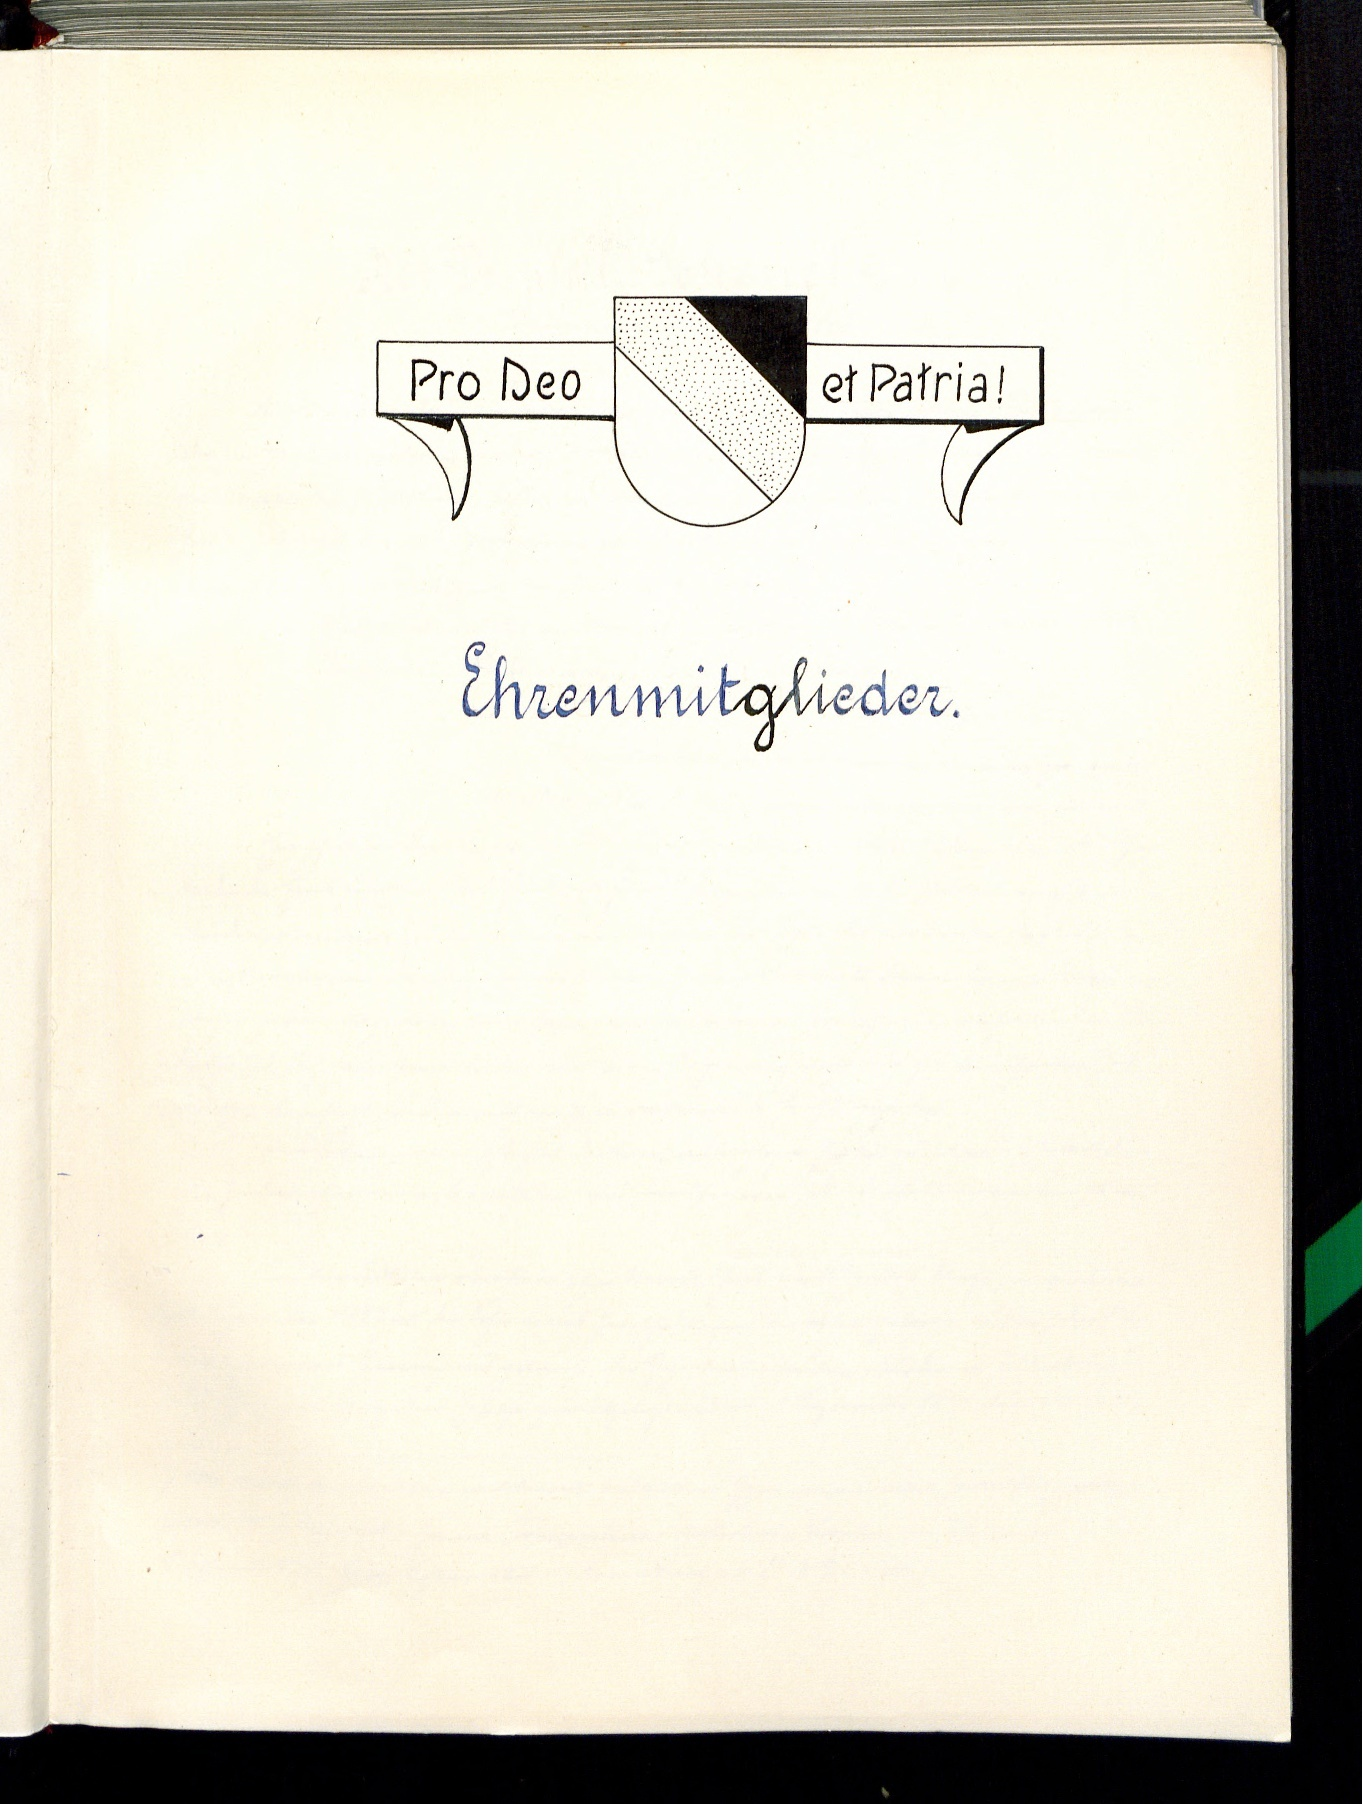Pro Deo
et Patria
Ehrenmitglieder.